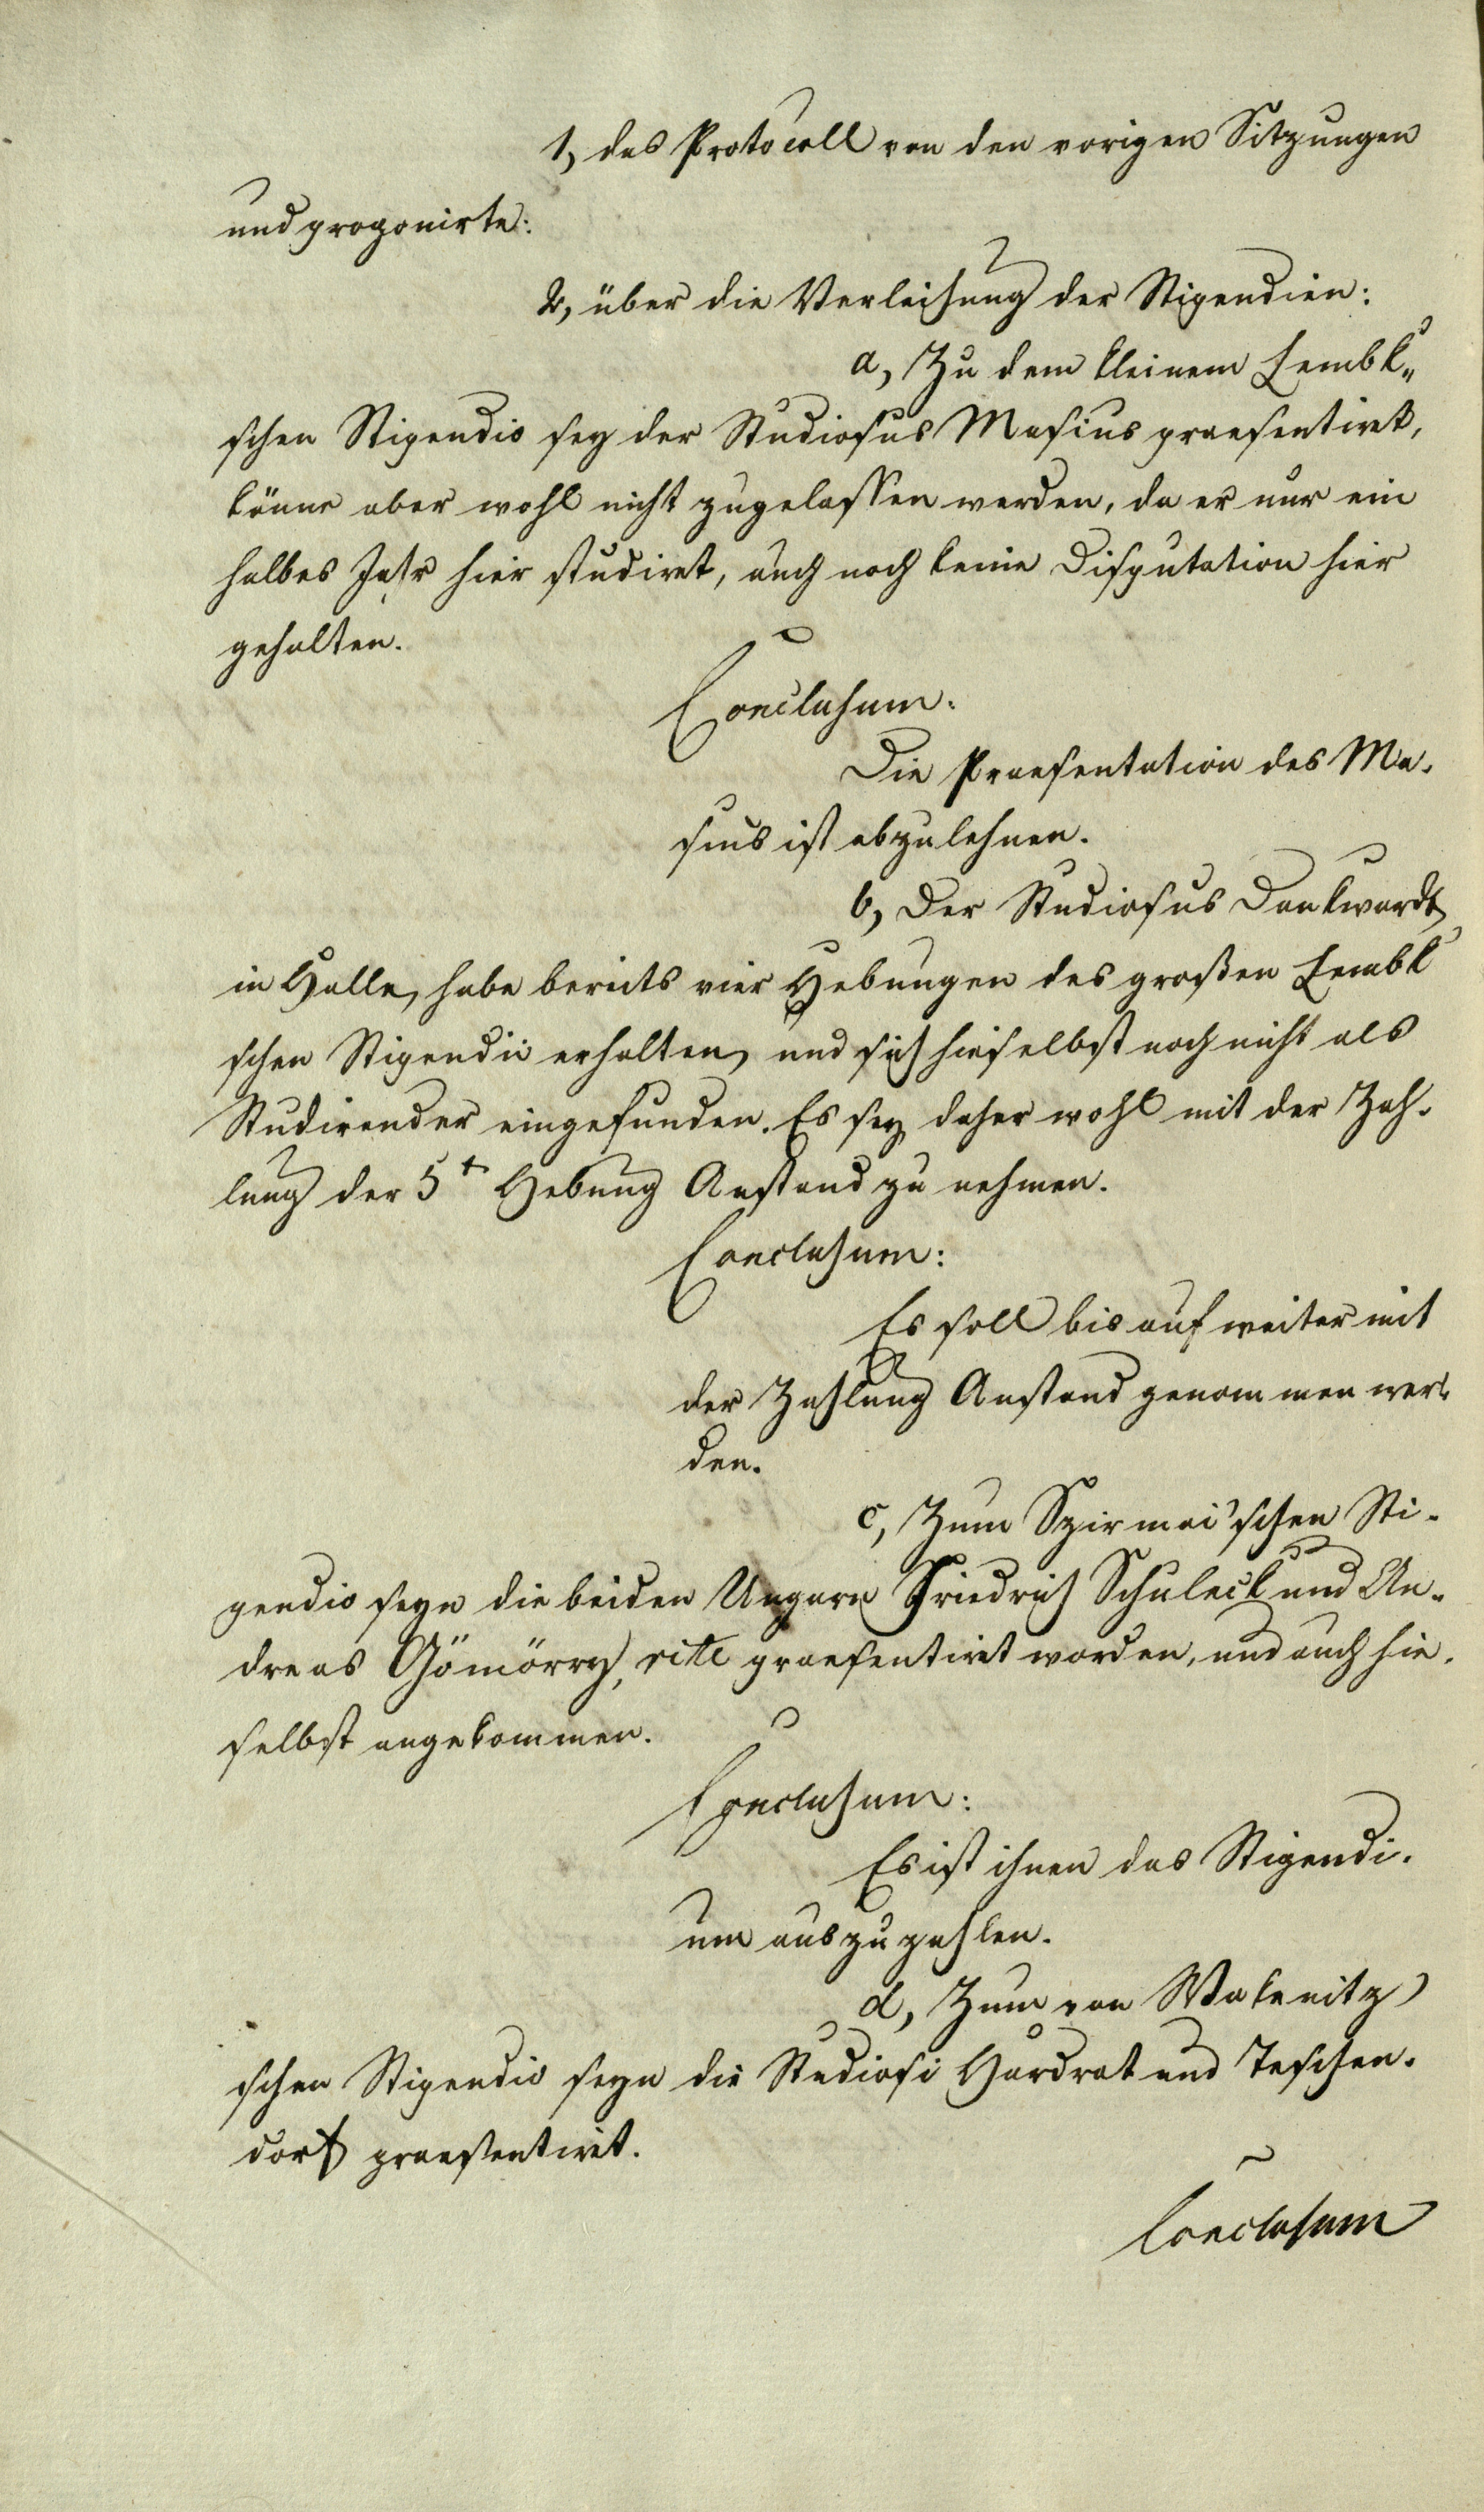1, das Protocoll von den vorigen Sitzungen
und proponirte:
2, über die Verleihung der Stipendien:
a, Zu dem kleinen Lembk'
schen Stipendio sey der Studiosus Masius praesentiret,
könne aber wohl nicht zugelassen werden, da er nur ein
halbes Jahr hier studiret, auch noch keine Disputation hier
gehalten.
Conclusum:
Die Praesentation des Ma¬
sius ist abzulehnen.
b, Der Studiosus Dankwardt
in Halle, habe bereits vier Hebungen des großen Lembk'
schen Stipendii erhalten und sich hieselbst noch nicht als
Studirender eingefunden. Es sey daher wohl mit der Zah¬
lung der 5ten Hebung Anstand zu nehmen.
Conclusum:
Es soll bis auf weiter mit
der Zahlung Anstand genommen wer¬
den.
c, Zum Szirmai'schen Sti¬
pendio seyn die beiden Ungarn Friedrich Schuleck und An¬
dreas Gömörry, rite praesentiret worden, und auch hie¬
selbst angekommen.
Conclusum:
Es ist ihnen das Stipendi¬
um auszuzahlen.
d, Zum von Wakenitz'
schen Stipendio seyn die Studiosi Hardrat und Teschen¬
dorf praesentiret.
Conclusum